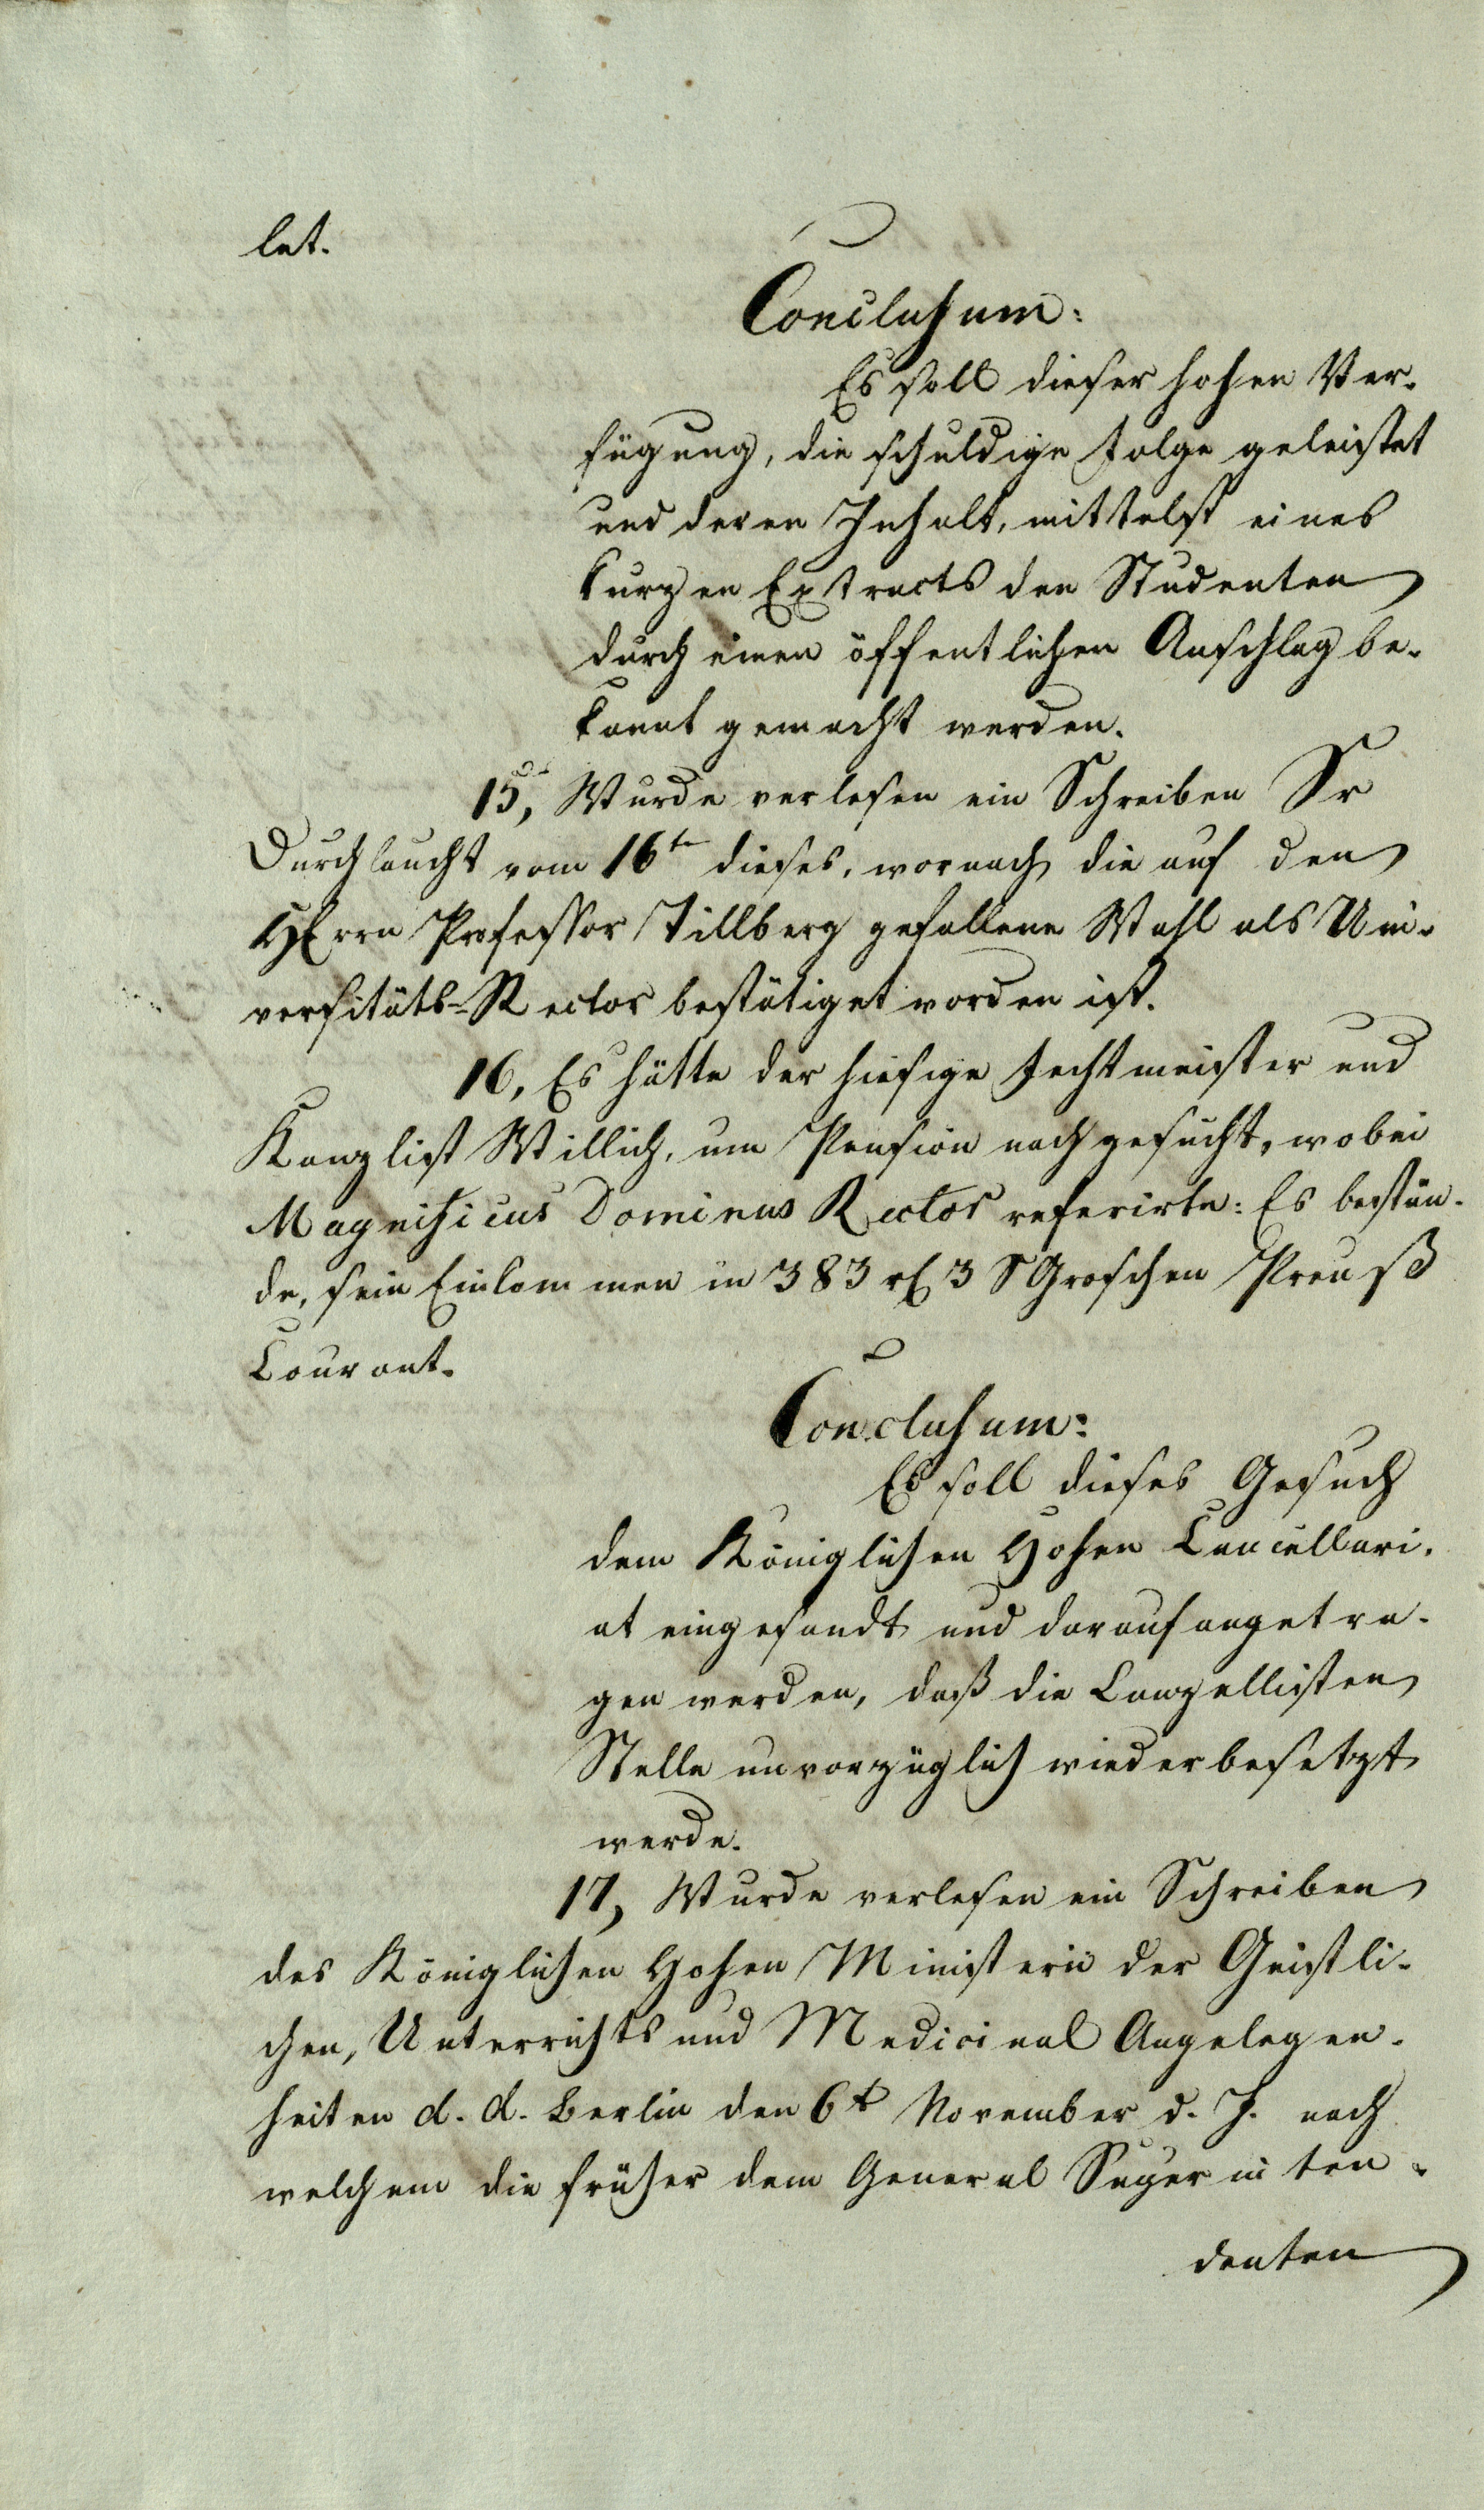let.
Conclusum:
Es soll dieser hohen Ver¬
fügung, die schuldige Folge geleistet
und deren Inhalt, mittelst eines
kurzen Extracts den Studenten
durch einen öffentlichen Anschlag be¬
kannt gemacht werden.
15, Wurde verlesen ein Schreiben Sr
Durchlaucht vom 16ten dieses, wornach die auf den
HErrn Professor Tillberg gefallene Wahl als Uni¬
versitäts-Rector bestätiget worden ist.
16, Es hätte der hiesige Fechtmeister und
Kanzlist Willich, um Pension nachgesucht, wobei
Magnificus, Dominus Rector referirte: Es bestün¬
de sein Einkommen in 383 r 3 SGroschen Preuß
Courant.
Conclusum:
Es soll dieses Gesuch
dem Königlichen Hohen Cancellari¬
at eingesandt und darauf angetra¬
gen werden, daß die Cancellisten
Stelle unverzüglich wiederbesetzt
werde.
17, Wurde verlesen ein Schreiben
des Königlichen Hohen Ministerii der Geistli¬
chen Unterrichts und Medicinal Angelegen¬
heiten d. d. Berlin den 6t November d. J. nach
welchem die früher dem General Superinten¬
denten